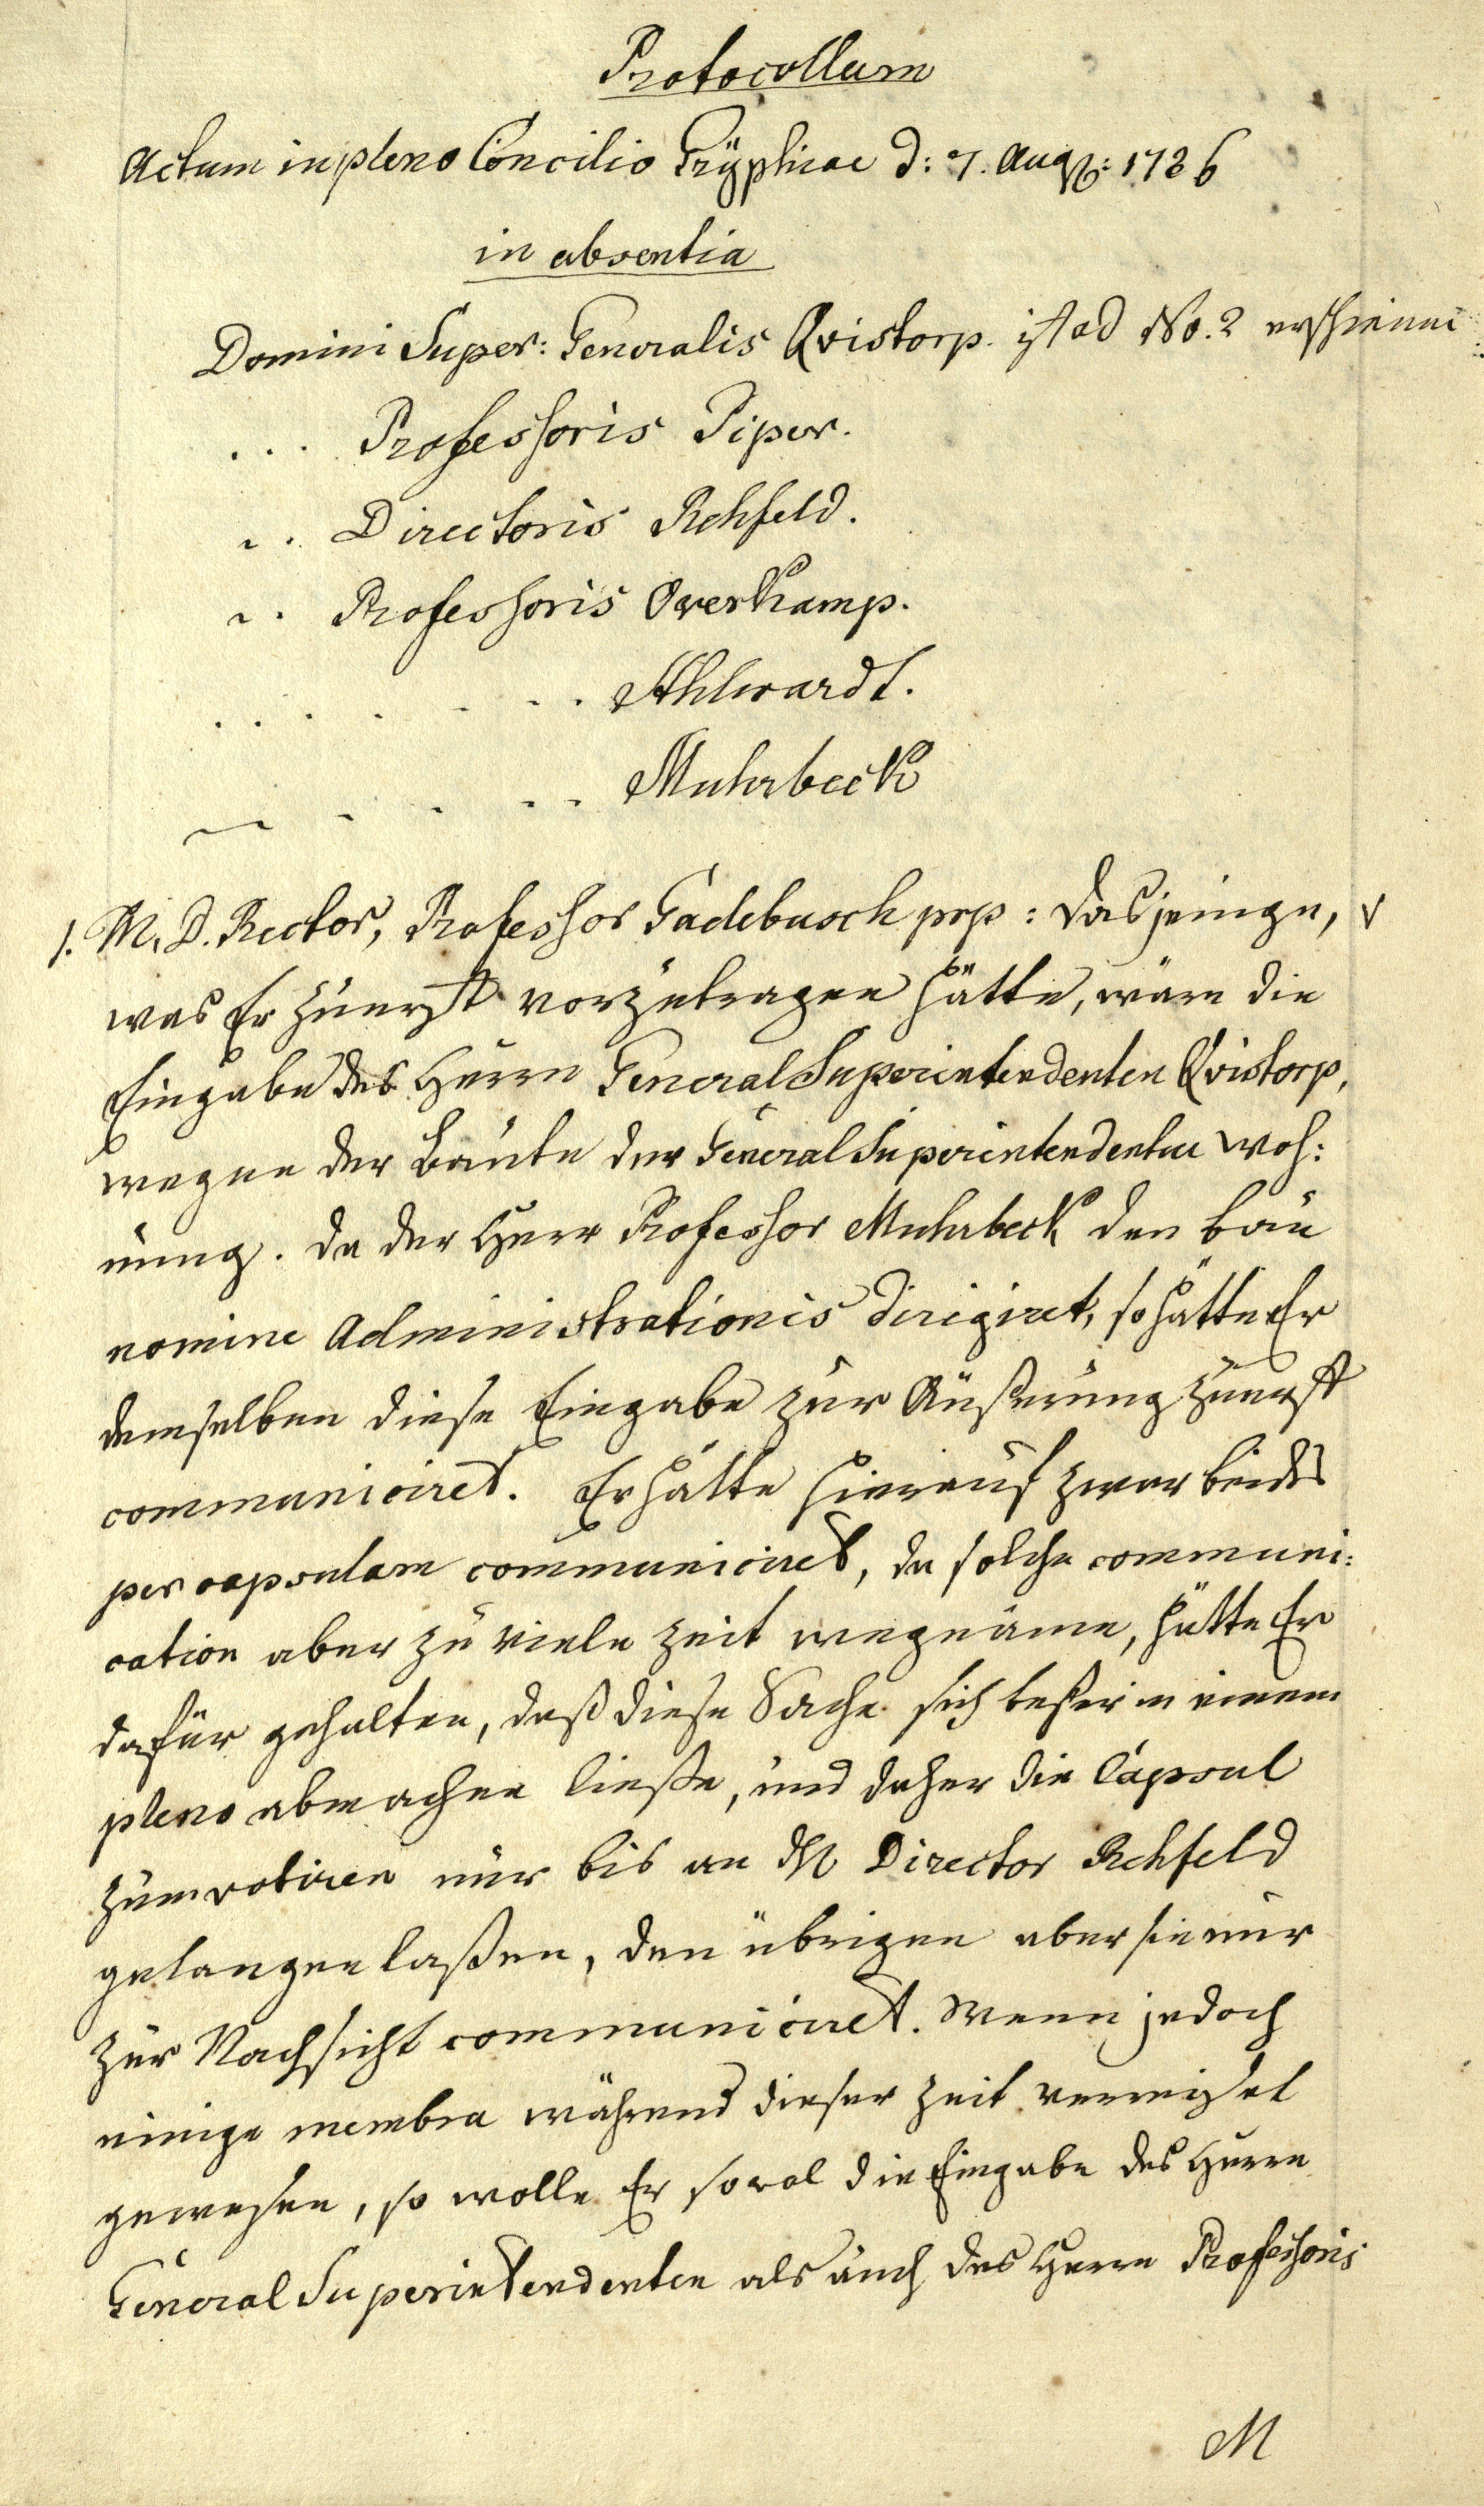Protocollum
Actum in pleno Concilio Grÿphiae d. 7. Aug. 1786
in absentia
Domini Super Generalis Quistorp ist ad No. 2 erschienen
Professoris Piper.
Directoris Rehfeld.
Professoris Overkamp.
Ahlwardt.
Muhrbeck
1. M. D. Rector, Professor Gadebusch prp. Dasjenige,
was Er zuerst vorzutragen hätte, wäre die
Eingabe des Herrn GeneralSuperintendenten Quistorp,
wegen der Baute der GeneralSuperintendenten Woh¬
nung. Da der Herr Professor Muhrbeck den Bau
nomine Administrationis dirigiret, so hätte Er
demselben diese Eingabe zur Äußerung zuerst
communiciret. Er hätte hierauf zwar beides
per capsulam communiciret, da solche communi¬
cation aber zu viele Zeit wegnäme, hätte Er
dafür gehalten, daß diese Sache sich beßer in einem
pleno abmachen ließe, und daher die Capsul
zum votiren nur bis an dh Director Rehfeld
gelangen laßen, den übrigen aber sie nur
zur Nachsicht communiciret. Wenn jedoch
einige membra während dieser Zeit verreiset
gewesen, so wolle Er so wol die Eingabe des Herrn
General Superintendenten als auch des Herrn Professoris
M